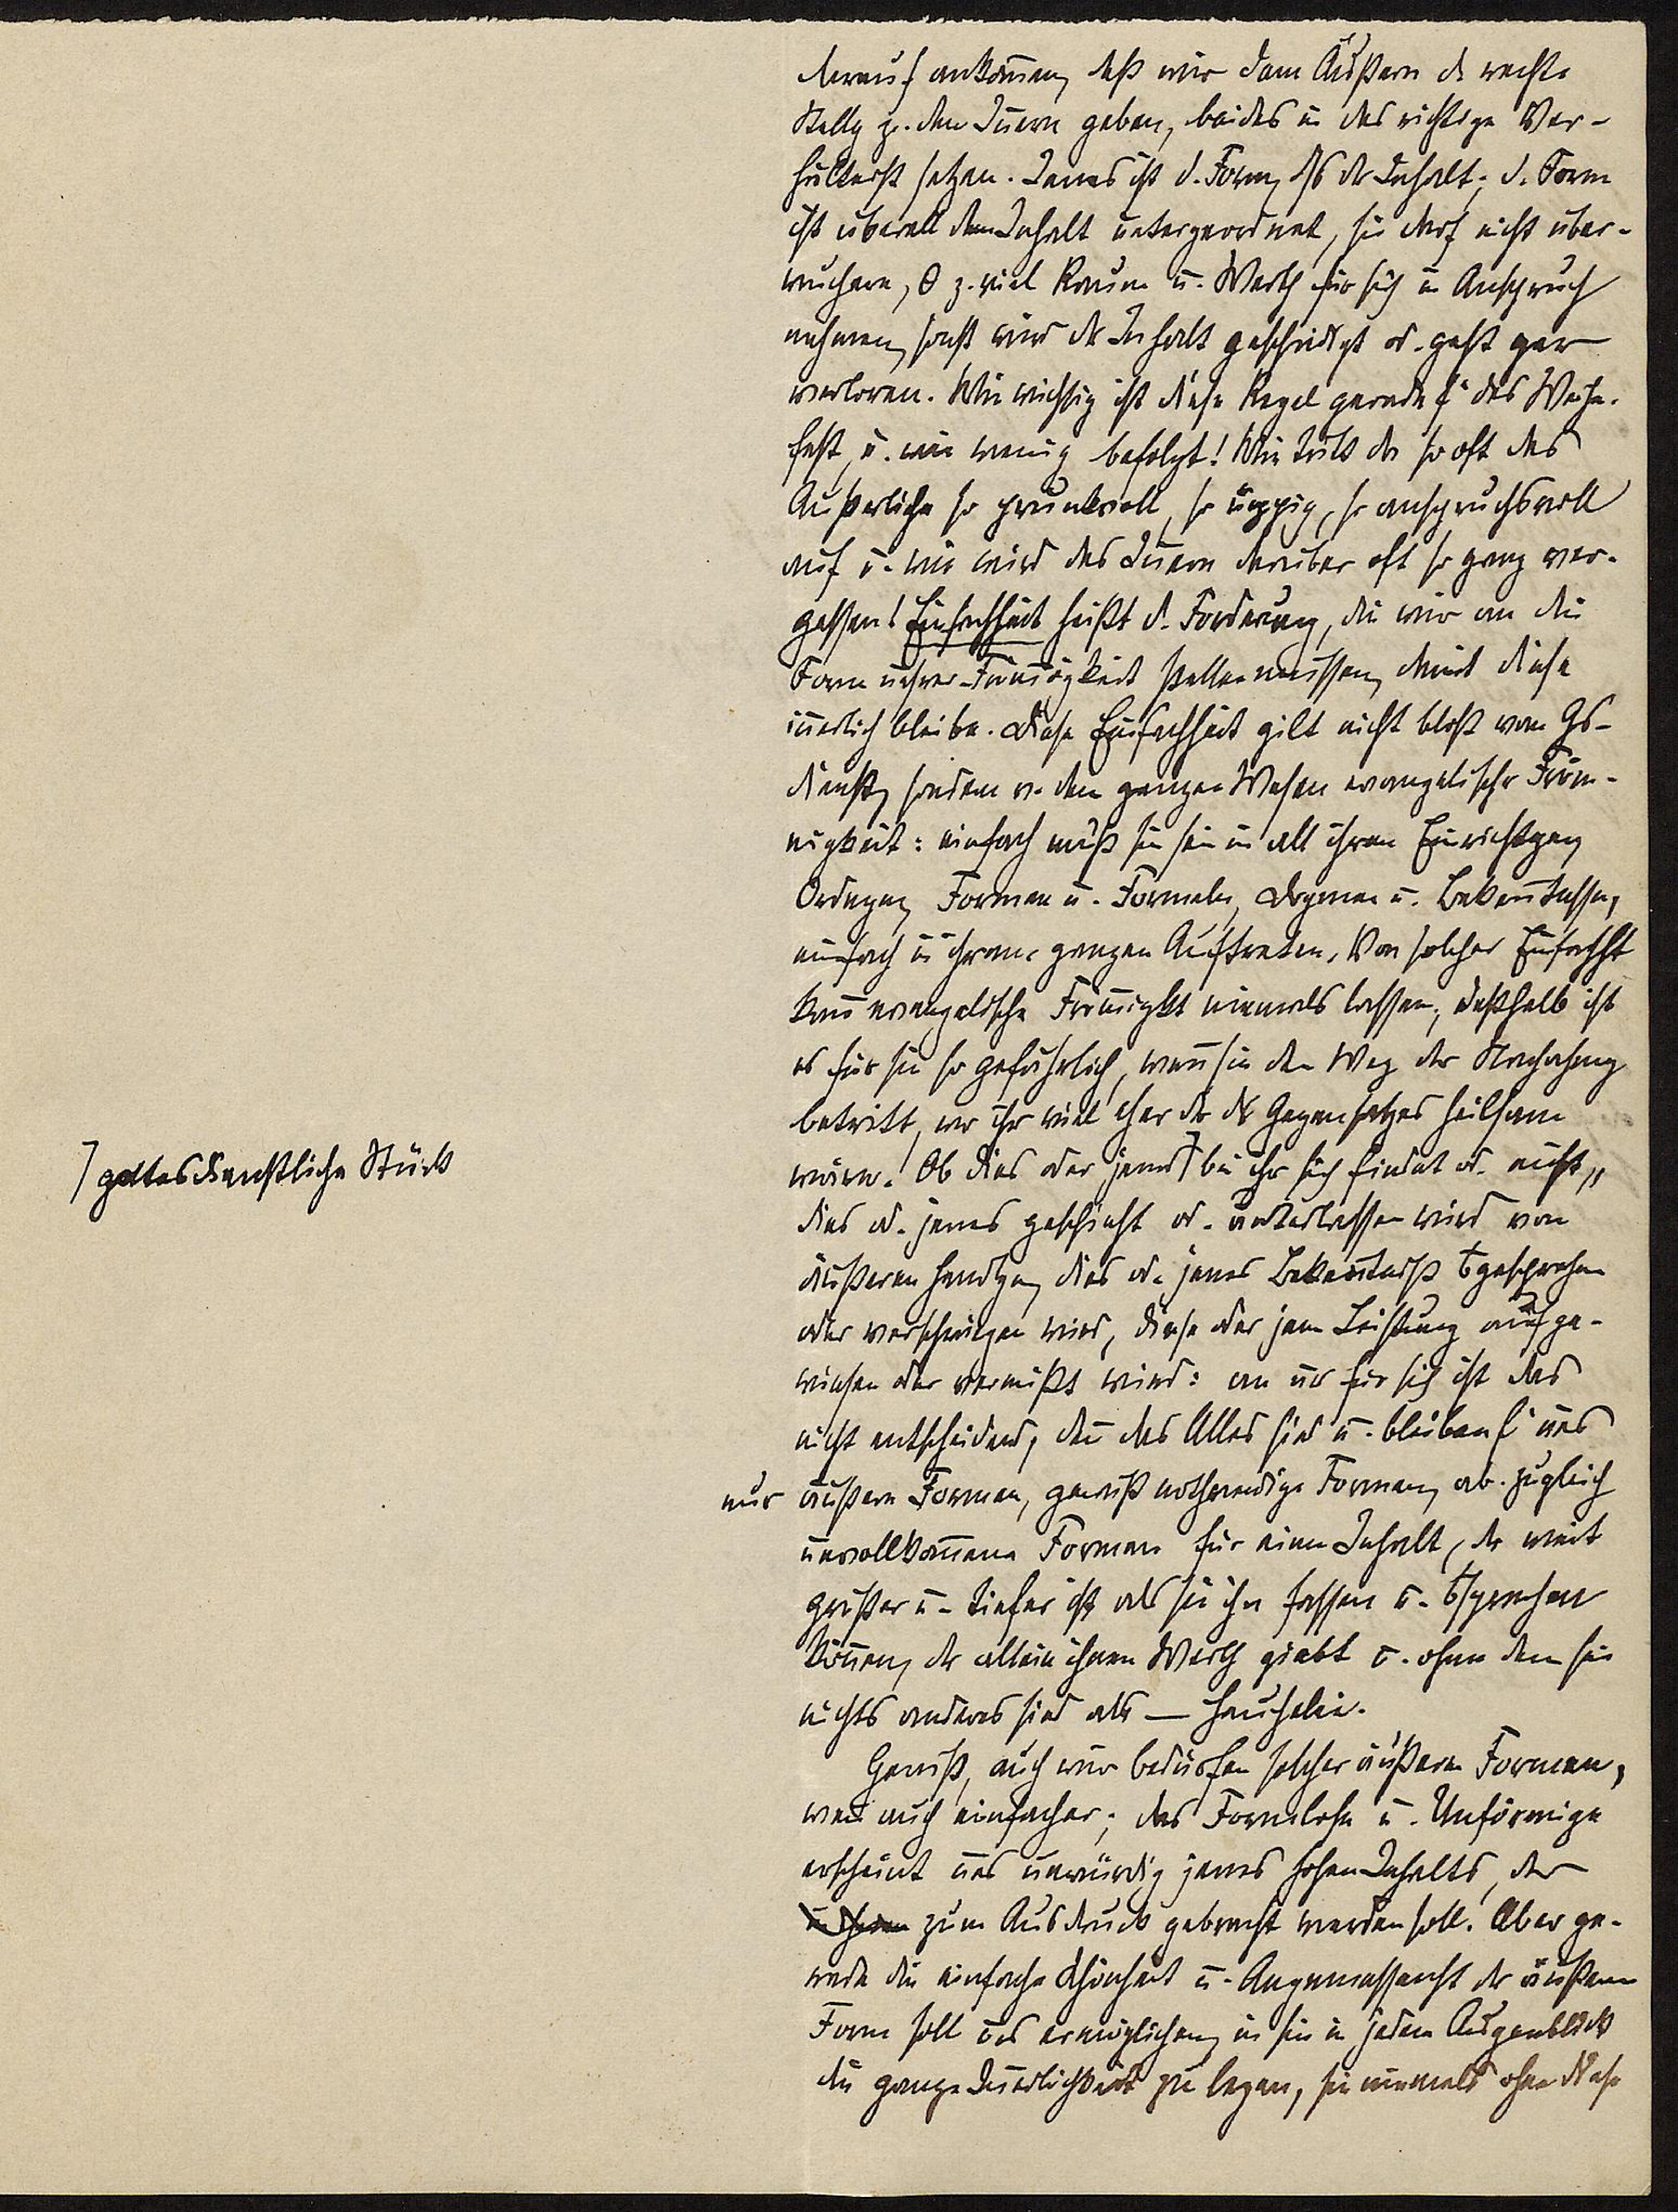] gottesdienstliche Stück
darauf ankomen, daß wir dem Äußern d. rechte
Stellg z. dem Inern geben, beides in das richtige Ver¬
hätlniß setzen. Jenes ist d. Form, ds dr Inhalt; d. Form
ist überall dem Inhalt untergeornet, sie darf nicht über¬
wuchern, o z. viel Raum u. Werth für sich in Anspruch
nehmen, sonst wird dr. Inhalt geschädigt od. geht gar
verlorgen. Wie wichtig ist diese Regel gerade fü das Weihn.¬
fest, u. wie wenig befolgt! Wie tritt da sooft das
Äußerliche so prunkvoll, so üppig, so anspruchsvoll
auf u. wie wird das Inere darüber oft so ganz ver¬
gessen! Einfachheit heißt d. Forderung, die wir an die
Form unsrer Frömigkeit stellen müssen, damit diese
inerlich bleibe. Diese Einfachheit gilt nicht bloß vom Gs¬
dienste, sondern v. dem ganzen Wesen evangelischer Fröm¬
migkeit: einfach muß sie sein in all ihren Einrichtgen,
Ordngen, Formen u. Formeln, Domen u. Bekentnissen,
einfach in ihrem ganzen Auftreten. Von solcher Einfachht
kan evangelische Frömigkt niemals lassen. Deßhalb ist
es für sie so geährlich, wen sie den Weg der Nachahmg
betritt, wo ihr viel eher dr ds Gegensatzes heilsam
wäre! Ob dies oder jene ] bei ihr sich findet od. nicht,
dies od. jenes geschieht od. unterlassen wird von
äußeren Handlgn, des od. jenes Bekentniß agesprochen
oder verschwiegen wird, diese oder jene Leistung aufge¬
wiesen oder vermißt wird: an und für sich ist das
nicht entscheidend, den das Alles sind u. bleiebn fü uns
nur äußere Formen, gewiß nothwendige Formen, ab. zugleich
unvolkomene Formen für einen Inhalt, der weit
größer u. tiefer ist als sie ihn fassen u. ssprechen
könen, der allein ihnen Werth giebt u. ohne den sie
nichts anderes sind als _ Heuchelei.
Gewiß, auch wir bedürfen solcher äußeren Formen,
wen auch einfache; das Formlose u. Unförmige
erscheint uns unwürdig jenes hohen Inhalts, der
in ihnen zum Ausdruck gebracht werden soll. Aber ge¬
rade die einfache Schönheit u. Angemessenht. der äußeren
Form soll uns ermöglichen, in sie in jedem Augenblick
die ganze Inerlichkeit zu legen, sie niemals ohne diese